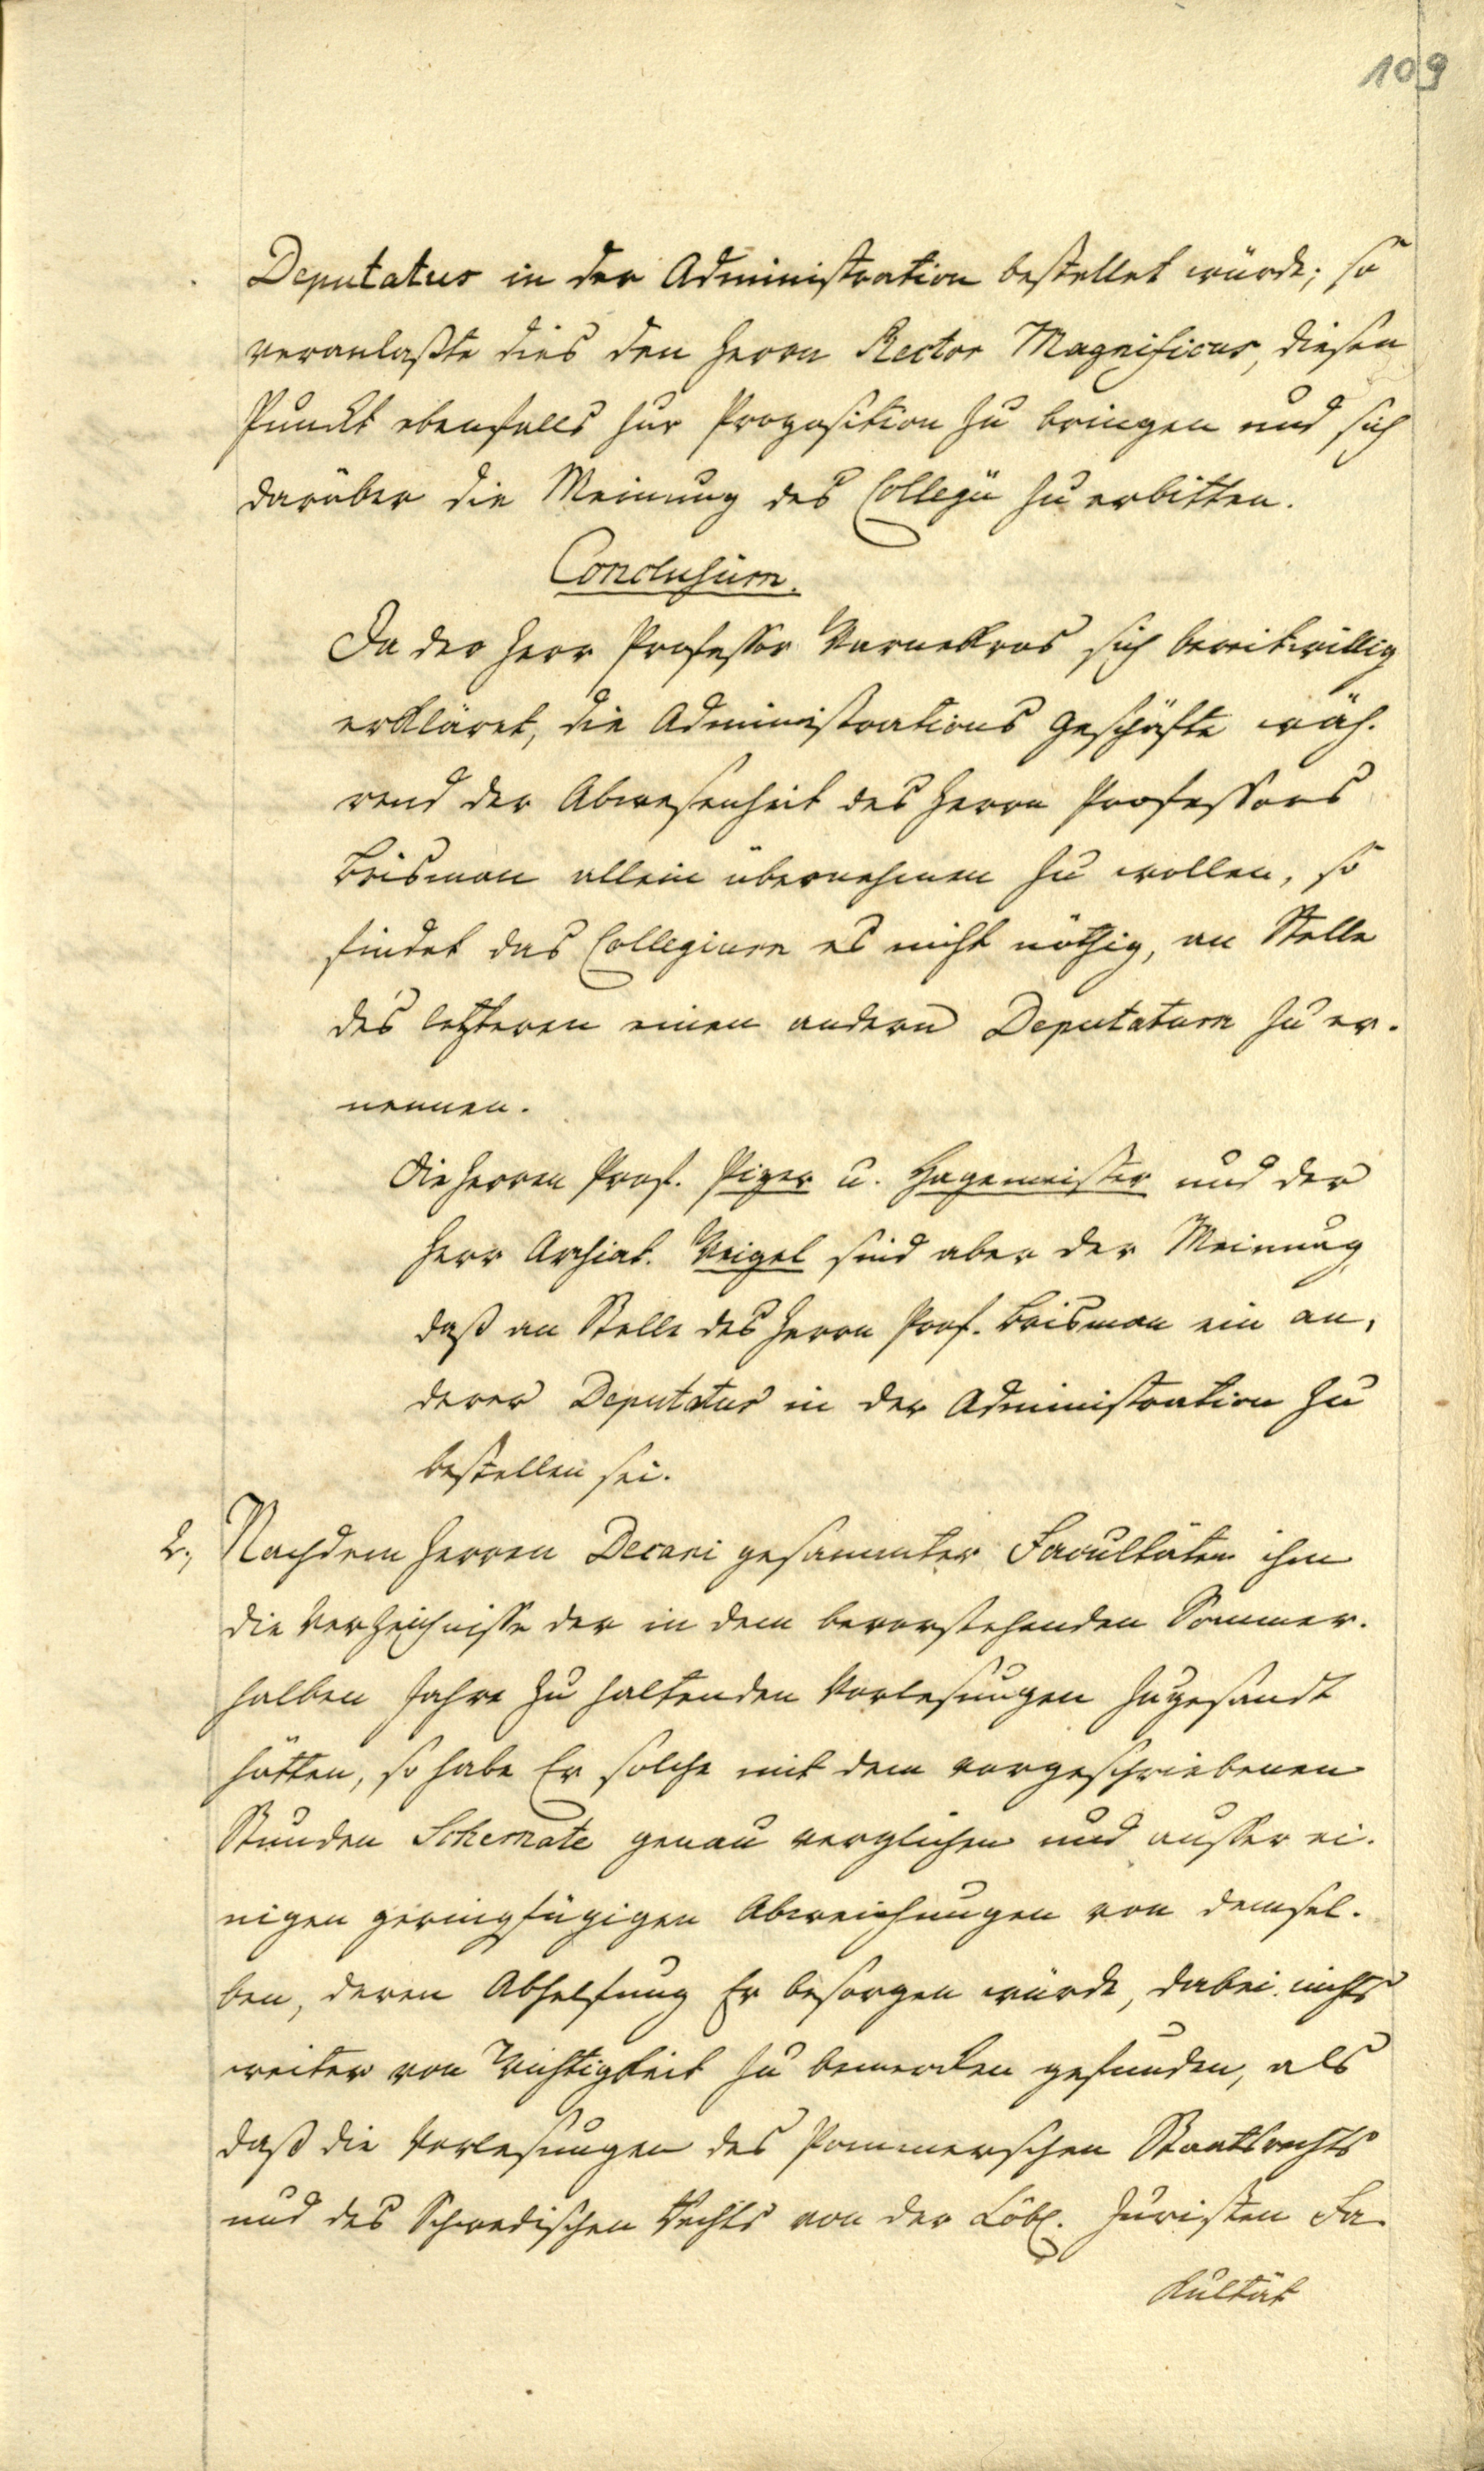Deputatus in der Administration bestellet würde, so
veranlaßte dies den Herrn Rector Magnificus, diesen
Punckt ebenfalls zur Proposition zu bringen und sich
darüber die Meinung des Collegii zu erbitten.
Conclusum.
Da der Herr Professor Warnekros sich bereitwillig
erkläret, die Administrations Geschäfte wäh¬
rend der Abwesenheit des Herrn Professors
Brisman allein übernehmen zu wollen, so
findet das Collegium es nicht nöthig, an Stelle
des letzteren einen andern Deputatum zu er¬
nennen.
Die Herren Prof. Piper. 2. Hagemeister und der
Herr Archiat. Weigel sind aber der Meinung,
daß an Stelle des Herrn Prof. Brisman um an¬
derer Deputatus in der Administration zu
bestellen sei.
2. Nachdem Herren Decani gesammter Facultäten ihm
die Verzeichnisse der in dem bevorstehenden Sommer¬
halben Jahre zu haltenden Vorlesungen zugesandt
hätten, so habe Er solche mit dem vorgeschriebenen
Stunden Schemate genau verglichen und ausser ei¬
nigen geringfügigen Abweichungen von demsel¬
ben, deren Abhelfung Er besorgen würde, dabei nichts
weiter von Wichtigkeit zu bemercken gefunden, als
daß die Vorlesungen des Pommerschen Staatsrechts
und des Schwedischen Rechts von der Löbl. Juristen Fa¬
kultät